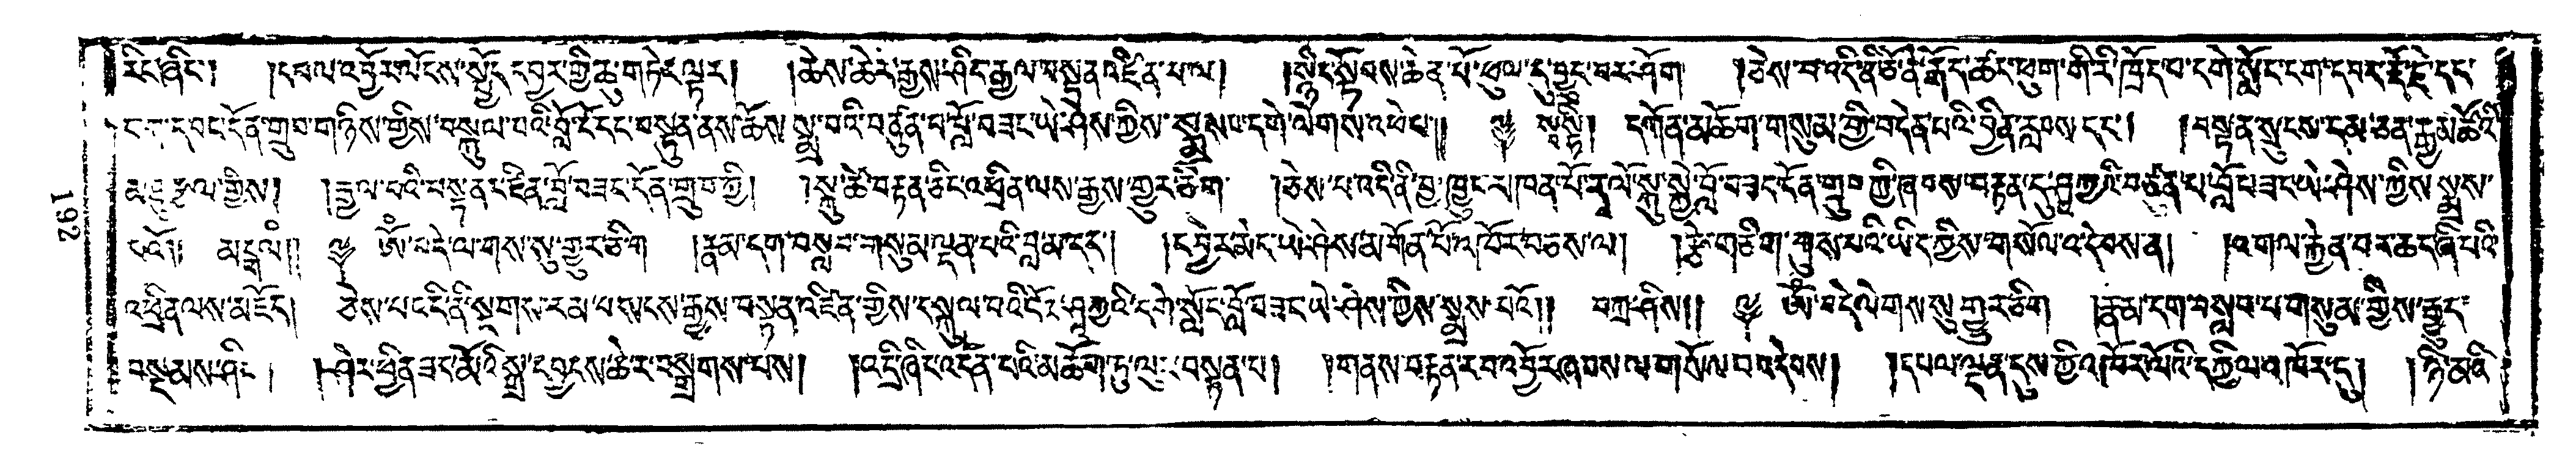རིང་ཞིང་། །དབལ་འབྱོར་ལོངས་སྤྱོད་དབྱར་གྱི་ཆུ་གཏེར་ལྟར། །ཆེས་ཆེར་རྒྱས་ཤིང་རྒྱལ་བསྟན་འཛིན་པ་ལ། །སྙིང་སྟོབས་ཆེན་པོ་ཕུལ་དུ་བྱུང་བར་ཤོག །ཅེས་བ་འདི་ནི་ཅོ་ནེ་རྒོད་ཚང་ཕུག་གི་རི་ཁྲོད་བ་དགེ་སློང་ངག་དབང་རྡོ་རྗེ་དང་
ངག་དབང་དོན་གྲུབ་གཉིས་གྱིས་བསྐུལ་པའི་བློ་ངོ་དང་བསྟུན་ནས་ཆོས་སྨྲ་བའི་བཙུན་པ་བློ་བཟང་ཡེ་ཤེས་ཀྱིས་སྨྲས་པ་དགེ་ལེགས་འཕེབ།། ༈ སྭསྟི། དཀོན་མཆོག་གསུམ་གྱི་བདེན་པའི་བྱིན་རླབས་དང་། །བསྟན་སྲུངས་དམ་ཅན་རྒྱ་མཚོའི་
མཐུ་རྩལ་གྱིས། །རྒྱལ་བའི་བསྟན་འཛིན་བློ་བཟང་དོན་གྲུབ་ཀྱི། །སྐུ་ཚེ་བརྟན་ཅིང་འཕྲིན་ལས་རྒྱས་གྱུར་ཅིག །ཅེས་པ་འདི་ནི་བྱ་ཁྱུང་མཁན་པོ་རྭ་ལོ་སྐུ་སྐྱེ་བློ་བཟང་དོན་གྲུབ་ཀྱི་ཞབས་བརྟན་དུ་ཤཱཀྱའི་བཙུན་པ་བློ་བཟང་ཡེ་ཤེས་ཀྱིས་སྨྲས་
པའོ།། མངྒལཾ།། ༈ ཨོཾ་བདེ་ལེགས་སུ་གྱུར་ཅིག །རྣམ་དག་བསླབ་གསུམ་ལྡན་པའི་བླ་མ་དང་། །དབྱེར་མེད་ཡེ་ཤེས་མགོན་པོ་འཁོར་བཅས་ལ། །རྩེ་གཅིག་གུས་པའི་ཡིད་ཀྱིས་གསོལ་འདེབས་ན། །འགལ་རྐྱེན་བར་ཆད་ཞི་པའི་
འཕྲིན་ལས་མཇོད། ཅེས་པ་འདི་ནི་སྔགས་རམ་པ་སངས་རྒྱས་བསྟན་འཛིན་གྱིས་བསྐུལ་པའི་ངོར་ཤཱཀྱའི་དགེ་སློང་བློ་བཟང་ཡེ་ཤེས་ཀྱིས་སྨྲས་པའོ།། བཀྲ་ཤིས།། ༈ ཨོཾ་བདེ་ལེགས་སུ་གྱུར་ཅིག །རྣམ་དག་བསླབ་པ་གསུམ་གྱིས་རྒྱུད་
བསྡམས་ཤིང་། །ཤེར་ཕྱིན་ཟང་མོའི་སྒྲ་དབྱངས་ཆེར་བསྒྲགས་པས། །འདྲི་ཞིང་འདོན་པའི་མཆོག་ཏུ་ལུང་བསྟན་པ། །གནས་བརྟན་རབ་འབྱོར་ཞབས་ལ་གསོལ་བ་འདེབས། །དཔལ་ལྡན་དུས་ཀྱི་འཁོར་ལོའི་དཀྱིལ་འཁོར་དུ། །ཉི་མའི་